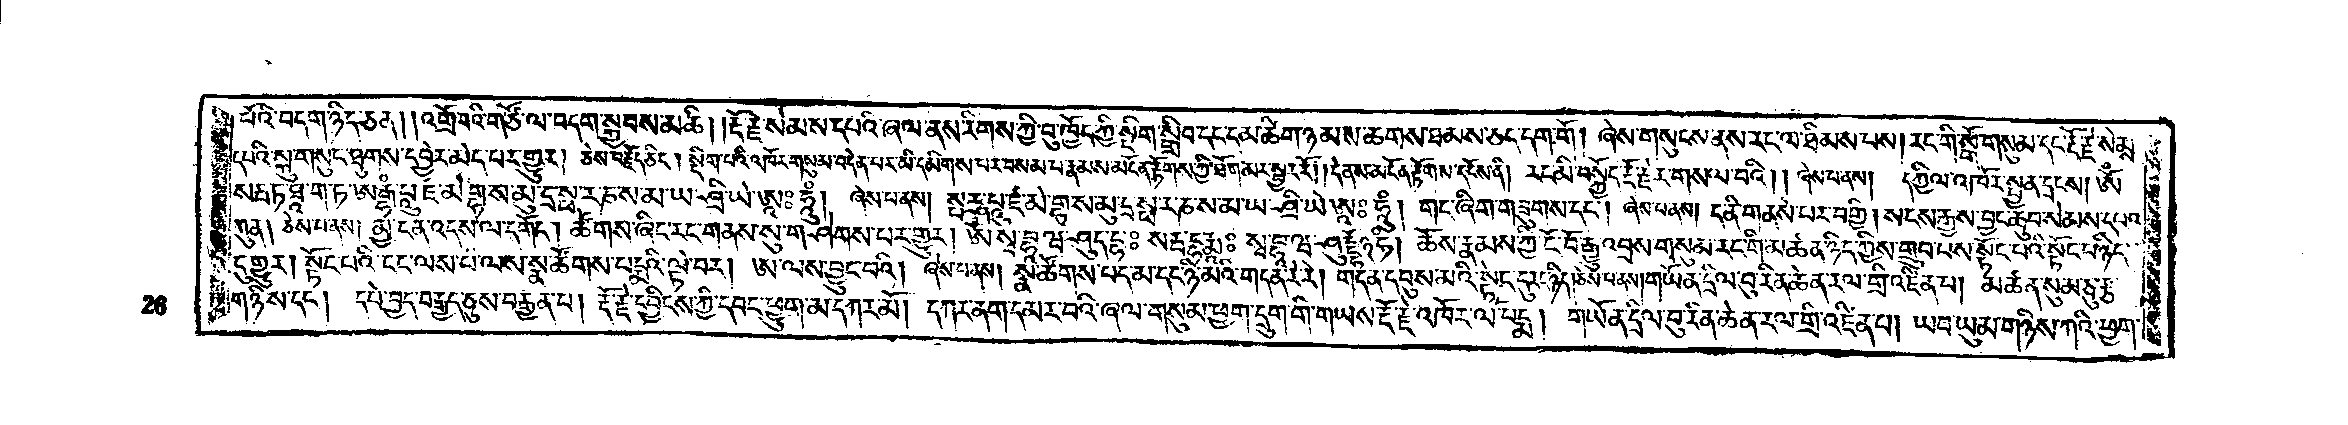པོའི་བདག་ཉིད་ཅན། །འགྲོ་བའི་གཙོ་ལ་བདག་སྐྱབས་མཆི། །རྡོ་རྗེ་སེམས་དཔའི་ཞལ་ནས་རིགས་ཀྱི་བུ་ཁྱོད་ཀྱི་སྡིག་སྒྲིབ་དང་དམ་ཚིག་ཉམས་ཆགས་ཐམས་ཅད་དག་གོ །ཞེས་གསུངས་ནས་རང་ལ་ཐིམས་པས། རང་གི་སྒོ་གསུམ་དང་རྡོ་རྗེ་སེམས་
དཔའི་སྐུ་གསུང་ཐུགས་དབྱེར་མེད་པར་གྱུར། ཅེས་བརྗོད་ཅིང་། སྡིག་པའི་འཁོར་གསུམ་བདེན་པར་མི་དམིགས་པར་བསམ་པ་རྣམས་མངོན་རྟོགས་ཀྱི་ཐོག་མར་སྦྱར་རོ། །དེ་ནས་མངོན་རྟོགས་དངོས་ནི།  རང་མི་བསྐྱོད་རྡོ་རྗེར་གསལ་བའི། །ཞེས་པ་ནས།  དཀྱིལ་འཁོར་སྤྱན་དྲངས། ཨོཾ་
སརྦ་ཏ་ཐཱ་ག་ཏ་ཨརྒྷཾ་པཱུ་ཛ་མེ་གྷ་ས་མུ་དྲ་སྥ་ར་ཎ་ས་མ་ཡ་ཤྲི་ཡེ་ཨཱཿ ཧཱུཾ། ཞེས་པ་ནས།  སྤརྴ་པཱུ་ཛ་མེ་གྷ་ས་མུ་དྲ་སྥ་ར་ཎ་ས་མ་ཡ་ཤྲི་ཡེ་ཨཱཿ ཧཱུཾ། གང་ཞིག་གཟུགས་དང་། ཞེས་པ་ནས།  ད་ནི་གནས་པར་བགྱི། སངས་རྒྱས་བྱང་ཆུབ་སེམས་དཔའ་
ཀུན། ཅེས་པ་ནས། མྱ་ངན་འདས་ལ་དགོད། ཚོགས་ཞིང་རང་གནས་སུ་གཤེགས་པར་གྱུར། ཨོཾ་སྭ་བྷཱ་ཝ་ཤུད་དྷཿ སརྦ་དྷརྨཿ སྭབྷཱ་ཝ་ཤུདྡྷོ་ཉྷཾ། ཆོས་རྣམས་ཀྱི་ངོ་བོ་རྒྱ་འབྲས་གསུམ་རང་གི་མཚན་ཉིད་ཀྱིས་གྲུབ་པས་སྟོང་པ་འི་སྟོང་པ་ཉིད་
དུ་གྱུར། སྟོང་པའི་ངང་ལས་པཾ་ལས་སྣ་ཚོགས་པདམའི་ལྟེ་བར། ཨ་ལས་བྱུང་བའི། ཞེས་པ་ནས།  སྣ་ཚོགས་པད་མ་དང་ཉི་མའི་གདན་རེ་རེ། གདན་དབུས་མའི་སྟེང་དུ་རང་ཉིད། ཅེས་པ་ནས། གཡོན་དྲིལ་བུ་རིན་ཆེན་རལ་གྲི་འཛིན་པ། མཚན་སུམ་ཅུ་རྩ་
གཉིས་དང་། དཔེ་བྱད་བརྒྱད་ཅུས་བརྒྱན་པ། རྡོ་རྗེ་དབྱིངས་ཀྱི་དབང་ཕྱུག་མ་དཀར་མོ། དཀར་ནག་དམར་བའི་ཞལ་གསུམ་ཕྱག་དྲུག་གི་གཡས་རྡོ་རྗེ་འཁོར་ལོ་པདམ། གཡོན་དྲིལ་བུ་རིན་ཆེན་རལ་གྲི་འཛིན་པ། ཡབ་ཡུམ་གཉིས་ཀའི་ཕྱག་